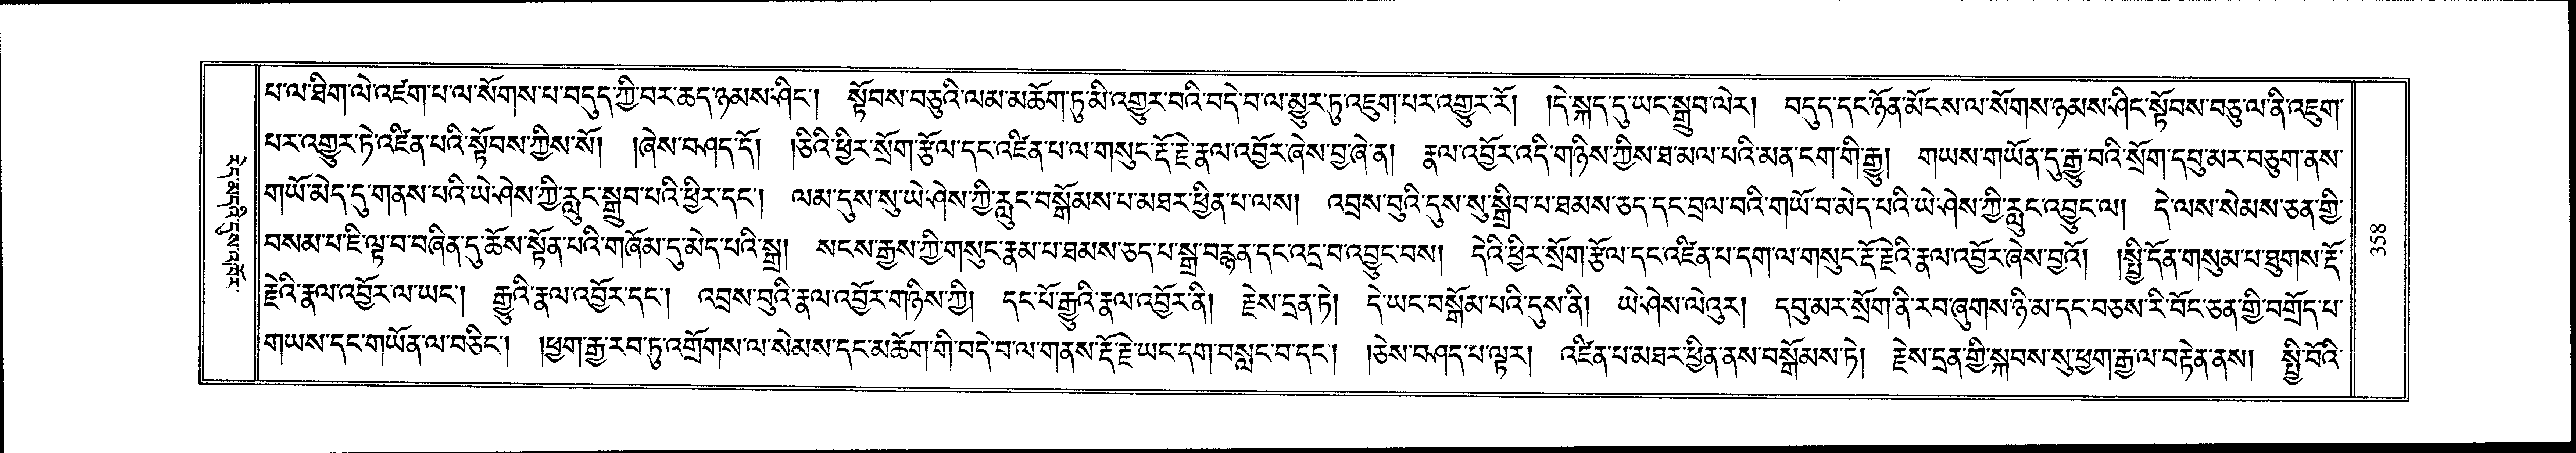པ་ལ་ཐིག་ལེ་འཛག་པ་ལ་སོགས་པ་བདུད་ཀྱི་བར་ཆད་ཉམས་ཤིང་། སྟོབས་བཅུའི་ལམ་མཆོག་ཏུ་མི་འགྱུར་བའི་བདེ་བ་ལ་མྱུར་ཏུ་འཇུག་པར་འགྱུར་རོ། །དེ་སྐད་དུ་ཡང་སྒྲུབ་ལེར། བདུད་དང་ཉོན་མོངས་ལ་སོགས་ཉམས་ཤིང་སྟོབས་བཅུ་ལ་ནི་འཇུག་
པར་འགྱུར་ཏེ་འཛིན་པའི་སྟོབས་ཀྱིས་སོ། །ཞེས་བཤད་དོ། །ཅིའི་ཕྱིར་སྲོག་རྩོལ་དང་འཛིན་པ་ལ་གསུང་རྡོ་རྗེ་རྣལ་འབྱོར་ཞེས་བྱ་ཞེ་ན། རྣལ་འབྱོར་འདི་གཉིས་ཀྱིས་ཐ་མལ་པའི་མན་ངག་གི་རྒྱུ། གཡས་གཡོན་དུ་རྒྱུ་བའི་སྲོག་དབུ་མར་བཅུག་ནས་
གཡོ་མེད་དུ་གནས་པའི་ཡེ་ཤེས་ཀྱི་རླུང་སྒྲུབ་པའི་ཕྱིར་དང་། ལམ་དུས་སུ་ཡེ་ཤེས་ཀྱི་རླུང་བསྒོམས་པ་མཐར་ཕྱིན་པ་ལས། འབྲས་བུའི་དུས་སུ་སྒྲིབ་པ་ཐམས་ཅད་དང་བྲལ་བའི་གཡོ་བ་མེད་པའི་ཡེ་ཤེས་ཀྱི་རླུང་འབྱུང་ལ། དེ་ལས་སེམས་ཅན་གྱི་
བསམ་པ་ཇི་ལྟ་བ་བཞིན་དུ་ཆོས་སྟོན་པའི་གཞོམ་དུ་མེད་པའི་སྒྲ། སངས་རྒྱས་ཀྱི་གསུང་རྣམ་པ་ཐམས་ཅད་པ་སྒྲ་བརྙན་དང་འདྲ་བ་འབྱུང་བས། དེའི་ཕྱིར་སྲོག་རྩོལ་དང་འཛིན་པ་དག་ལ་གསུང་རྡོ་རྗེའི་རྣལ་འབྱོར་ཞེས་བྱའོ། །སྤྱི་དོན་གསུམ་པ་ཐུགས་རྡོ་
རྗེའི་རྣལ་འབྱོར་ལ་ཡང་། རྒྱུའི་རྣལ་འབྱོར་དང་། འབྲས་བུའི་རྣལ་འབྱོར་གཉིས་ཀྱི། དང་པོ་རྒྱུའི་རྣལ་འབྱོར་ནི། རྗེས་དྲན་ཏེ། དེ་ཡང་བསྒོམ་པའི་དུས་ནི། ཡེ་ཤེས་ལེའུར། དབུ་མར་སྲོག་ནི་རབ་ཞུགས་ཉི་མ་དང་བཅས་རི་བོང་ཅན་གྱི་བགྲོད་པ་
གཡས་དང་གཡོན་ལ་བཅིང་། །ཕྱག་རྒྱ་རབ་ཏུ་འགྲོགས་ལ་སེམས་དང་མཆོག་གི་བདེ་བ་ལ་གནས་རྡོ་རྗེ་ཡང་དག་བསླང་བ་དང་། །ཅེས་བཤད་པ་ལྟར། འཛིན་པ་མཐར་ཕྱིན་ནས་བསྒོམས་ཏེ། རྗེས་དྲན་གྱི་སྐབས་སུ་ཕྱག་རྒྱ་ལ་བརྟེན་ནས། སྤྱི་བོའི་